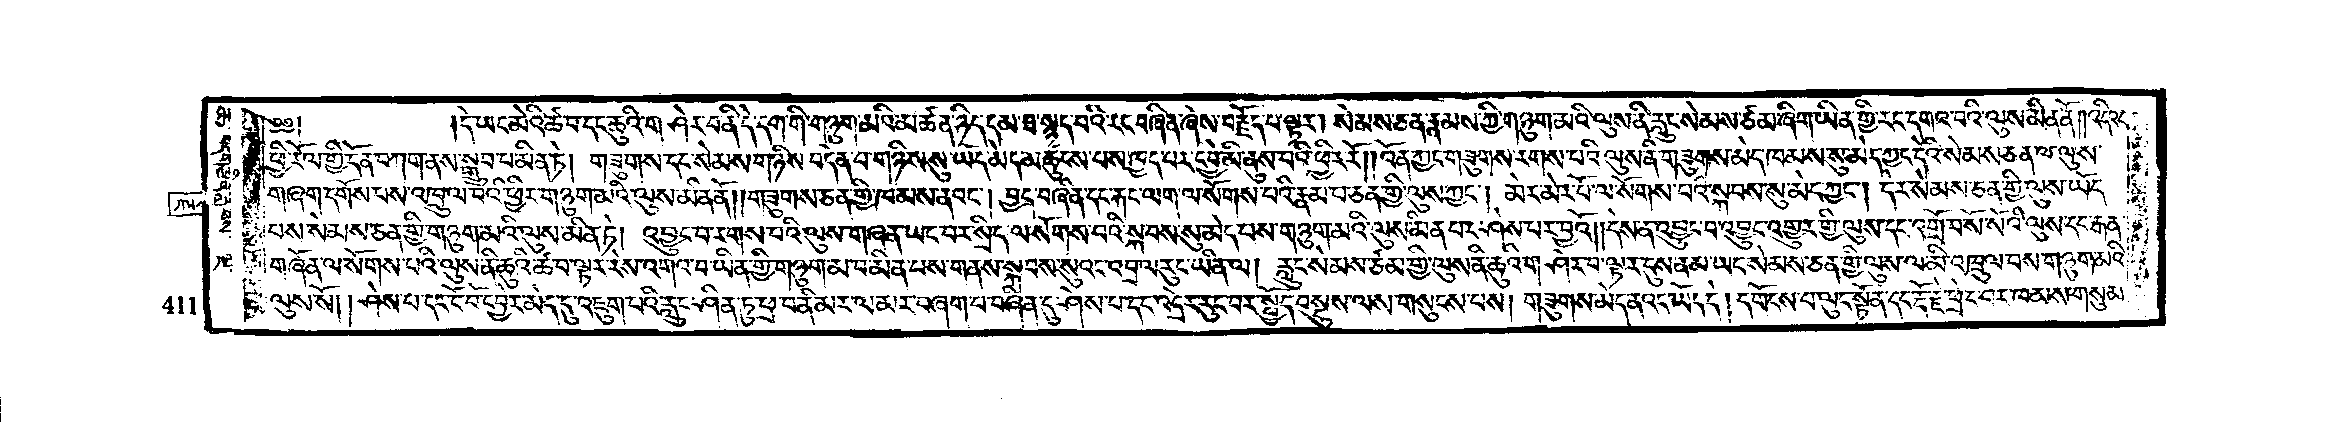༄༅། །དེ་ཡང་མེའི་ཚ་བ་དང་ཆུའི་གཤེར་བ་ནི་དེ་དག་གི་གཉུག་མའི་མཚན་ཉིད་དམ་ཐ་སྙད་པའི་རང་བཞིན་ཞེས་བརྗོད་པ་ལྟར། སེམས་ཅན་རྣམས་ཀྱི་གཉུག་མའི་ལུས་ནི་རླུང་སེམས་ཙམ་ཞིག་ཡིན་གྱི་རང་དགའ་བའི་ལུས་མིན་ནོ། །འདིའང་
ཕྱི་རོལ་གྱི་དོན་བཀག་ནས་སྒྲུབ་པ་མིན་ཏེ། གཟུགས་དང་སེམས་གཉིས་བདེན་པ་གཉིས་སུ་ཡོད་མེད་མཚུངས་པས་ཁྱད་པར་དབྱེ་མི་ནུས་པའི་ཕྱིར་རོ། །འོན་ཀྱང་གཟུགས་རགས་པའི་ལུས་ནི་གཟུགས་མེད་ཁམས་སུ་མེད་ཀྱང་དེའི་སེམས་ཅན་ལ་ལུས་
གཞག་དགོས་པས་འཁྲུལ་བའི་ཕྱིར་གཉུག་མའི་ལུས་མིན་ནོ། །གཟུགས་ཅན་གྱི་ཁམས་ནའང་། བྱེད་བཞིན་དང་རྐང་ལག་ལ་སོགས་པའི་རྣམ་པ་ཅན་གྱི་ལུས་ཀྱང་། མེར་མེར་པོ་ལ་སོགས་པའི་སྐབས་སུ་མེད་ཀྱང་། དེར་སེམས་ཅན་གྱི་ལུས་ཡོད་
པས་སེམས་ཅན་གྱི་གཉུག་མའི་ལུས་མིན་ཏེ། འབྱུང་བ་རགས་པའི་ལུས་གཞན་ཡང་བར་སྲིད་ལ་སོགས་པའི་སྐབས་སུ་མེད་པས་གཉུག་མའི་ལུས་མིན་པར་ཤེས་པར་བྱའོ། །དེས་ན་འབྱུང་བ་འབྱུང་འགྱུར་གྱི་ལུས་དང་འགྲོ་བ་སོ་སོའི་ལུས་དང་རྒན་
གཞོན་ལ་སོགས་པའི་ལུས་ནི་ཆུའི་ཚ་བ་ལྟར་རེས་འགའ་བ་ཡིན་གྱི་གཉུག་མ་བ་མིན་པས་གནས་སྐབས་སུའང་འབྲལ་རུང་ཡིན་ལ། རླུང་སེམས་ཙམ་གྱི་ལུས་ནི་ཆུའི་གཤེར་བ་ལྟར་དུས་ནམ་ཡང་སེམས་ཅན་གྱི་ལུས་ལ་མི་འཁྲུལ་བས་གཉུག་མའི་
ལུས་སོ། །ཤེས་པ་དང་ངོ་བོ་དབྱེར་མེད་དུ་འཇུག་པའི་རླུང་ཤིན་ཏུ་ཕྲ་བ་ནི་མར་ལ་མར་བཞག་པ་བཞིན་དུ་ཤེས་པ་དང་འདྲེར་རུང་བར་སྤྱོད་བསྡུས་ལས་གསུངས་པས། གཟུགས་མེད་ནའང་ཡོད་དེ། དགོངས་པ་ལུང་སྟོན་དང་རྡོ་རྗེ་ཕྲེང་བར་ཁམས་གསུམ་